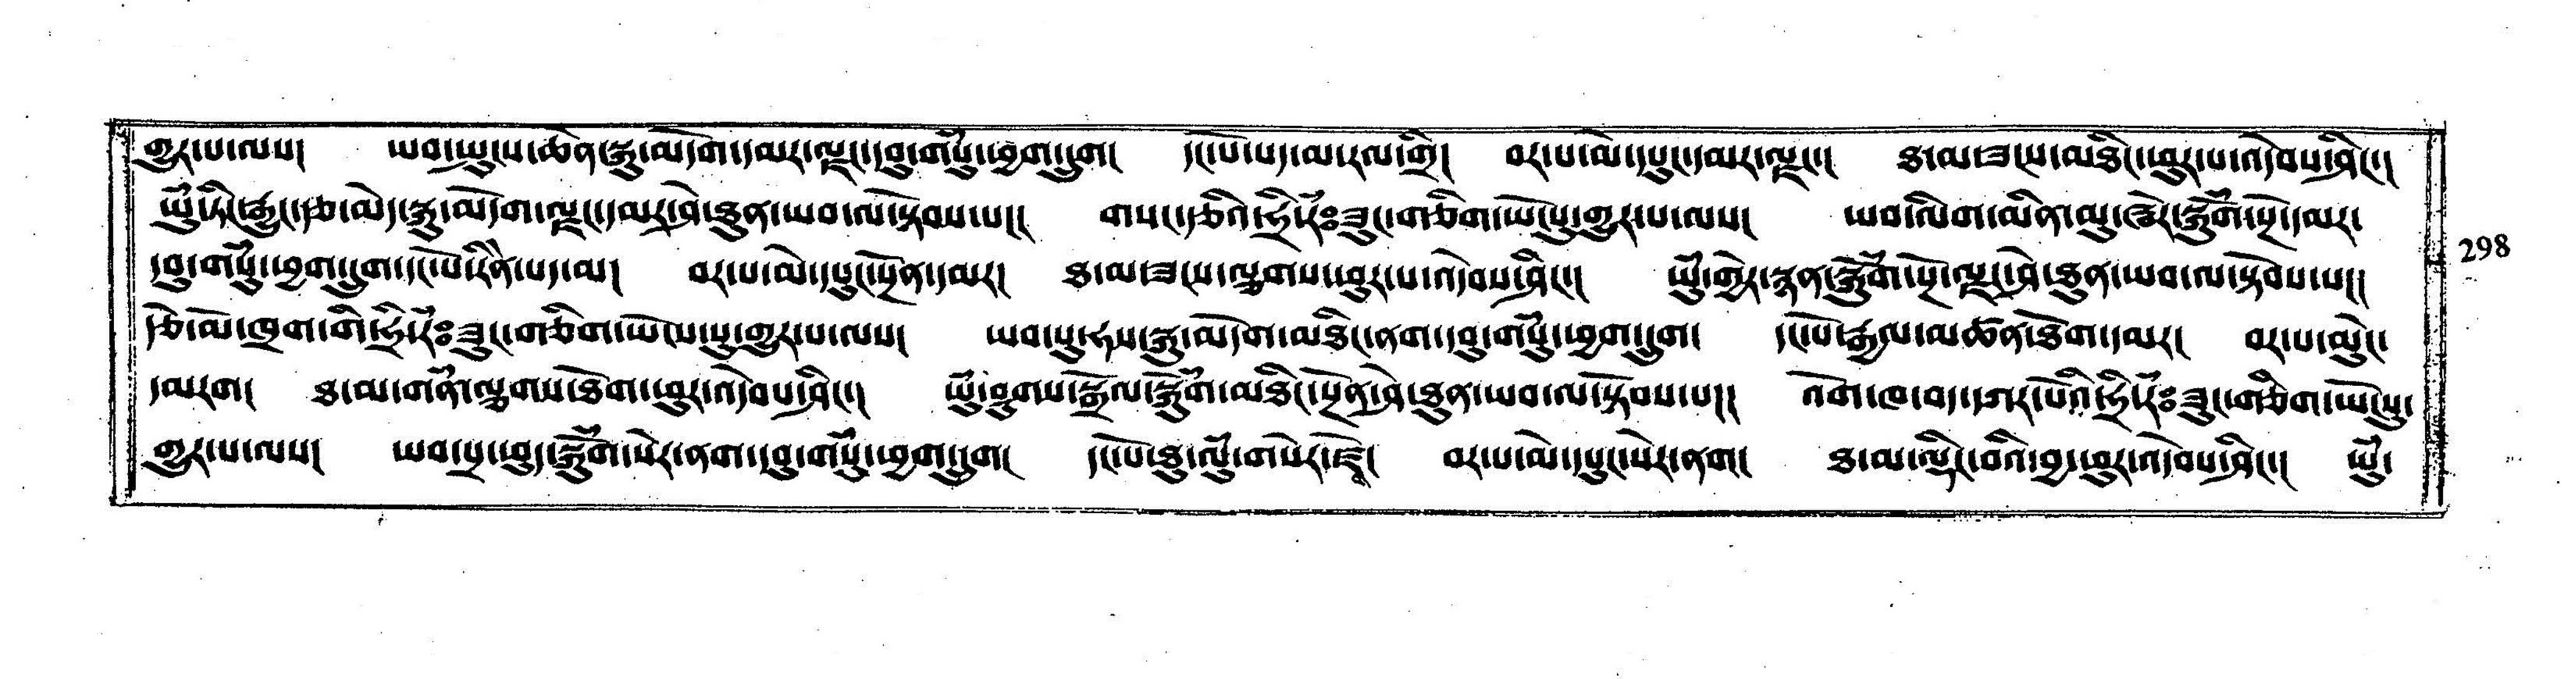གྱུར་པ་ལས། ཡབ་སྤུངས་ཆེན་སྐུ་མདོག་དམར་ལྗང་དབུ་གསུམ་ཕྱག་དྲུག དང་པོ་པད་མ་རལ་གྲི། བར་པ་མེ་དཔུང་དམར་ལྗང་། ཐ་མ་ཟངས་མཐིང་ཕུར་པ་འདེབས་ཤིང་། 
ཡུམ་ཏིང་རྒྱུང་རྩ་མེད་སྐུ་མདོག་ལྗང་དམར་ཤེ་ཐུན་ཡབ་ལ་སྟོབས་པ།། གསང་རྩའི་ཧྲི་རཾཿཟུང་གཅིག་ཡོངས་སུ་གྱུར་པ་ལས། ཡབ་ལིག་མིན་མུ་ཝེར་སྐུ་མདོག་སྔོ་དམར་
དབུ་གསུམ་ཕྱག་དྲུག་དང་པོ་རིན་ཆེན་པད་མ། བར་པ་མེ་དཔུང་སྔོན་དམར། ཐ་མ་ཟངས་ལྕགས་ཕུར་པ་འདེབས་ཤིང་། ཡུམ་གྱེར་སྙན་སྐུ་མདོག་སྔོ་ལྗང་ཤེ་ཐུན་ཡབ་ལ་སྟོབས་པ།། 
རྩེ་མོ་ཁྲག་གི་ཧྲི་རཾཿཟུང་གཅིག་ཡོངས་སུ་གྱུར་པ་ལས། ཡབ་སུ་ཧས་སྐུ་མདོག་མཐིང་ནག་དབུ་གསུམ་ཕྱག་དྲུག དང་པོ་རྒྱལ་མཚན་ཐོག་དམར། བར་པ་མེ་དཔུང་
དམར་ནག ཐ་མ་གནམ་ལྕགས་ཐོག་ཕུར་འདེབས་ཤིང་། ཡུམ་ཤུགས་སྒྲོལ་སྐུ་མདོག་མཐིང་སྔོན་ཤེ་ཐུན་ཡབ་ལ་སྟོབས་པ།། འོག་ཁ་བད་དཀར་པོའི་ཧྲི་རཾཿཟུང་གཅིག་ཡོངས་སུ་
གྱུར་པ་ལས། ཡབ་པྲ་ཕུད་སྐུ་མདོག་སེར་ནག་དབུ་གསུམ་ཕྱག་དྲུག དང་པོ་ཐུ་ལུམ་གསེར་ཛྭོ། བར་པ་མེ་དཔུང་སེར་ནག ཐ་མ་ལྡིང་བའི་བྱ་ཕུར་འདེབས་ཤིང་། ཡུམ་